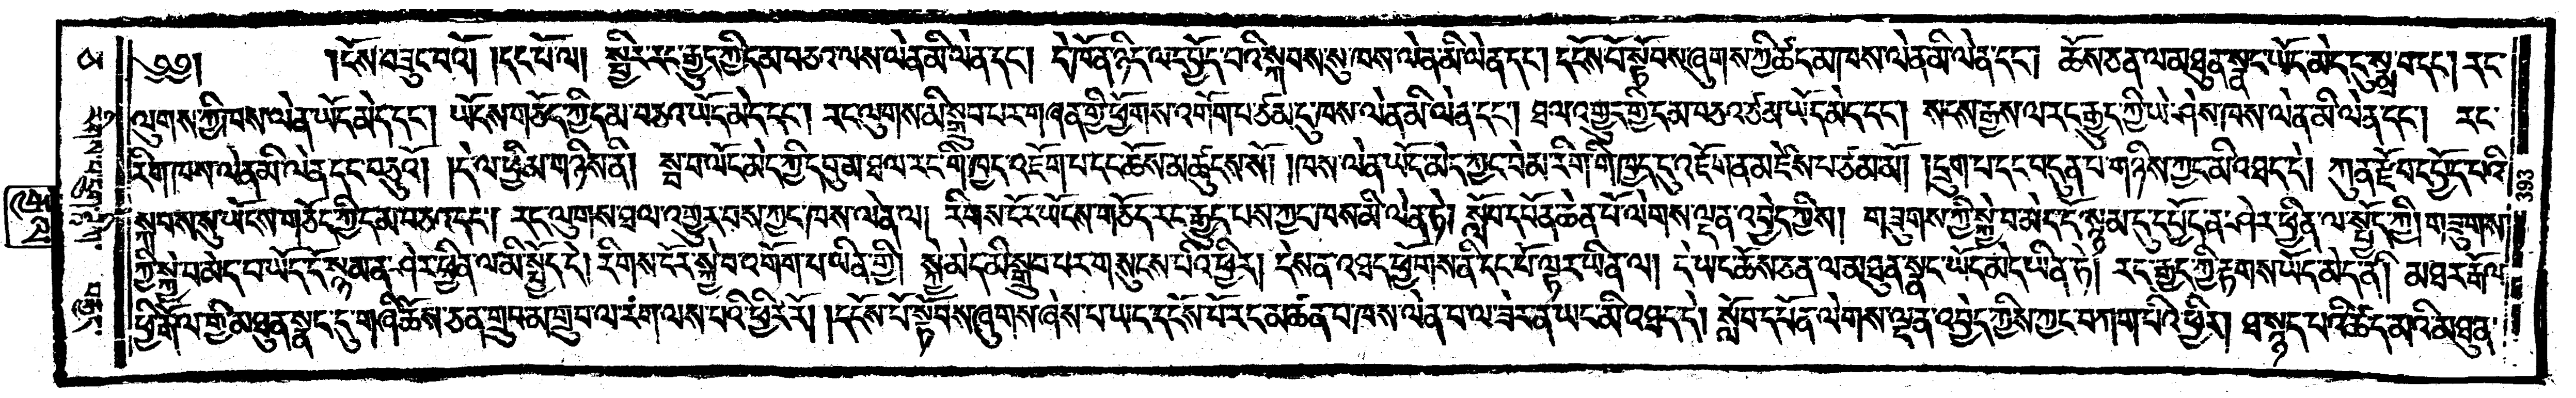༄༅། །ངོས་བཟུང་བའོ། །དང་པོ་ལ། སྤྱིར་རང་རྒྱུད་ཀྱི་དམ་བཅའ་ལས་ལེན་མི་ལེན་དང་། དེ་ཁོ་ན་ཉིད་ལ་དཔྱོད་པའི་སྐབས་སུ་ཁས་ལེན་མི་ལེན་དང་། དངོས་པོ་སྟོབས་ཞུགས་ཀྱི་ཚད་མཁས་ལེན་མི་ལེན་དང་། ཆོས་ཅན་ལ་མཐུན་སྣང་ཡོད་མེད་དུ་སྨྲ་བ་དང་། རང་
ལུགས་ཀྱི་ཁས་ལེན་ཡོད་མེད་དང་། ཡོངས་གཅོད་ཀྱི་དམ་བཅའ་ཡོད་མེད་དང་། རང་ལུགས་མི་སྒྲུབ་པར་གཞན་གྱི་ཕྱོགས་འགོག་པ་ཙམ་དུ་ཁས་ལེན་མི་ལེན་དང་། ཐལ་འགྱུར་གྱི་དམ་བཅའ་ཙམ་ཡོད་མེད་དང་། སངས་རྒྱས་ལ་རང་རྒྱུད་ཀྱི་ཡེ་ཤེས་ཁས་ལེན་མི་ལེན་དང་། རང་
རིག་ཁས་ལེན་མི་ལེན་དང་བཅུའོ། །དེ་ལ་ཕྱི་མ་གཉིས་ནི། སྦ་བ་ལོང་མེད་ཀྱི་དབུ་མ་ཐལ་རང་གི་ཁྱད་འཇོག་པ་དང་ཆོས་མཚུངས་སོ། །ཁས་ལེན་ཡོད་མེད་ཀྱང་བེམ་རིག་གི་ཁྱད་དུ་འཇོག་ན་མཛེས་པ་ཙམ་མོ། །དྲུག་པ་དང་བདུན་པ་གཉིས་ཀྱང་མི་འཐད་དེ། ཀུན་རྫོབ་དཔྱོད་པའི་
སྐབས་སུ་ཡོངས་གཅོད་ཀྱི་དམ་བཅའ་དང་། རང་ལུགས་ཐལ་འགྱུར་བས་ཀྱང་ཁས་ལེན་ལ། རིགས་ངོར་ཡོངས་གཅོད་རང་རྒྱུད་པས་ཀྱང་ཁས་མི་ལེན་ཏེ། སློབ་དཔོན་ཆེན་པོ་ལེགས་ལྡན་འབྱེད་ཀྱིས། གཟུགས་ཀྱི་སྐྱེ་བ་མེད་དོ་སྙམ་དུ་དཔྱོད་ན་ཤེར་ཕྱིན་ལ་སྤྱོད་ཀྱི། གཟུགས་
ཀྱི་སྐྱེ་བ་མེད་པ་ཡོད་དོ་སྙམ་ན་ཤེར་ཕྱིན་ལ་མི་སྤྱོད་དེ། རིགས་ངོར་སྐྱེ་བ་འགོག་པ་ཡིན་གྱི། སྐྱེ་མེད་མི་སྒྲུབ་པར་གསུངས་པའི་ཕྱིར། དེས་ན་འཐད་ཕྱོགས་ནི་དང་པོ་ལྟར་ཡིན་ལ། དེ་ཡང་ཆོས་ཅན་ལ་མཐུན་སྣང་ཡོད་མེད་ཡིན་ཏེ། རང་རྒྱུད་ཀྱི་རྟགས་ཡོད་མེད་ནི། མཐར་རྒོལ་
ཕྱི་རྒོལ་གྱི་མཐུན་སྣང་དུ་གཞི་ཆོས་ཅན་གྲུབ་མ་གྲུབ་ལ་རག་ལས་པའི་ཕྱིར་རོ། །དངོས་པོ་སྟོབས་ཞུགས་ཞེས་པ་ཡང་དངོས་པོ་རང་མཚན་པ་ཁས་ལེན་པ་ལ་ཟེར་ན་ཡང་མི་འཐད་དེ། སློབ་དཔོན་ལེགས་ལྡན་འབྱེད་ཀྱིས་ཀྱང་བཀག་པའི་ཕྱིར། ཐ་སྙད་པའི་ཚད་མའི་མཐུན་